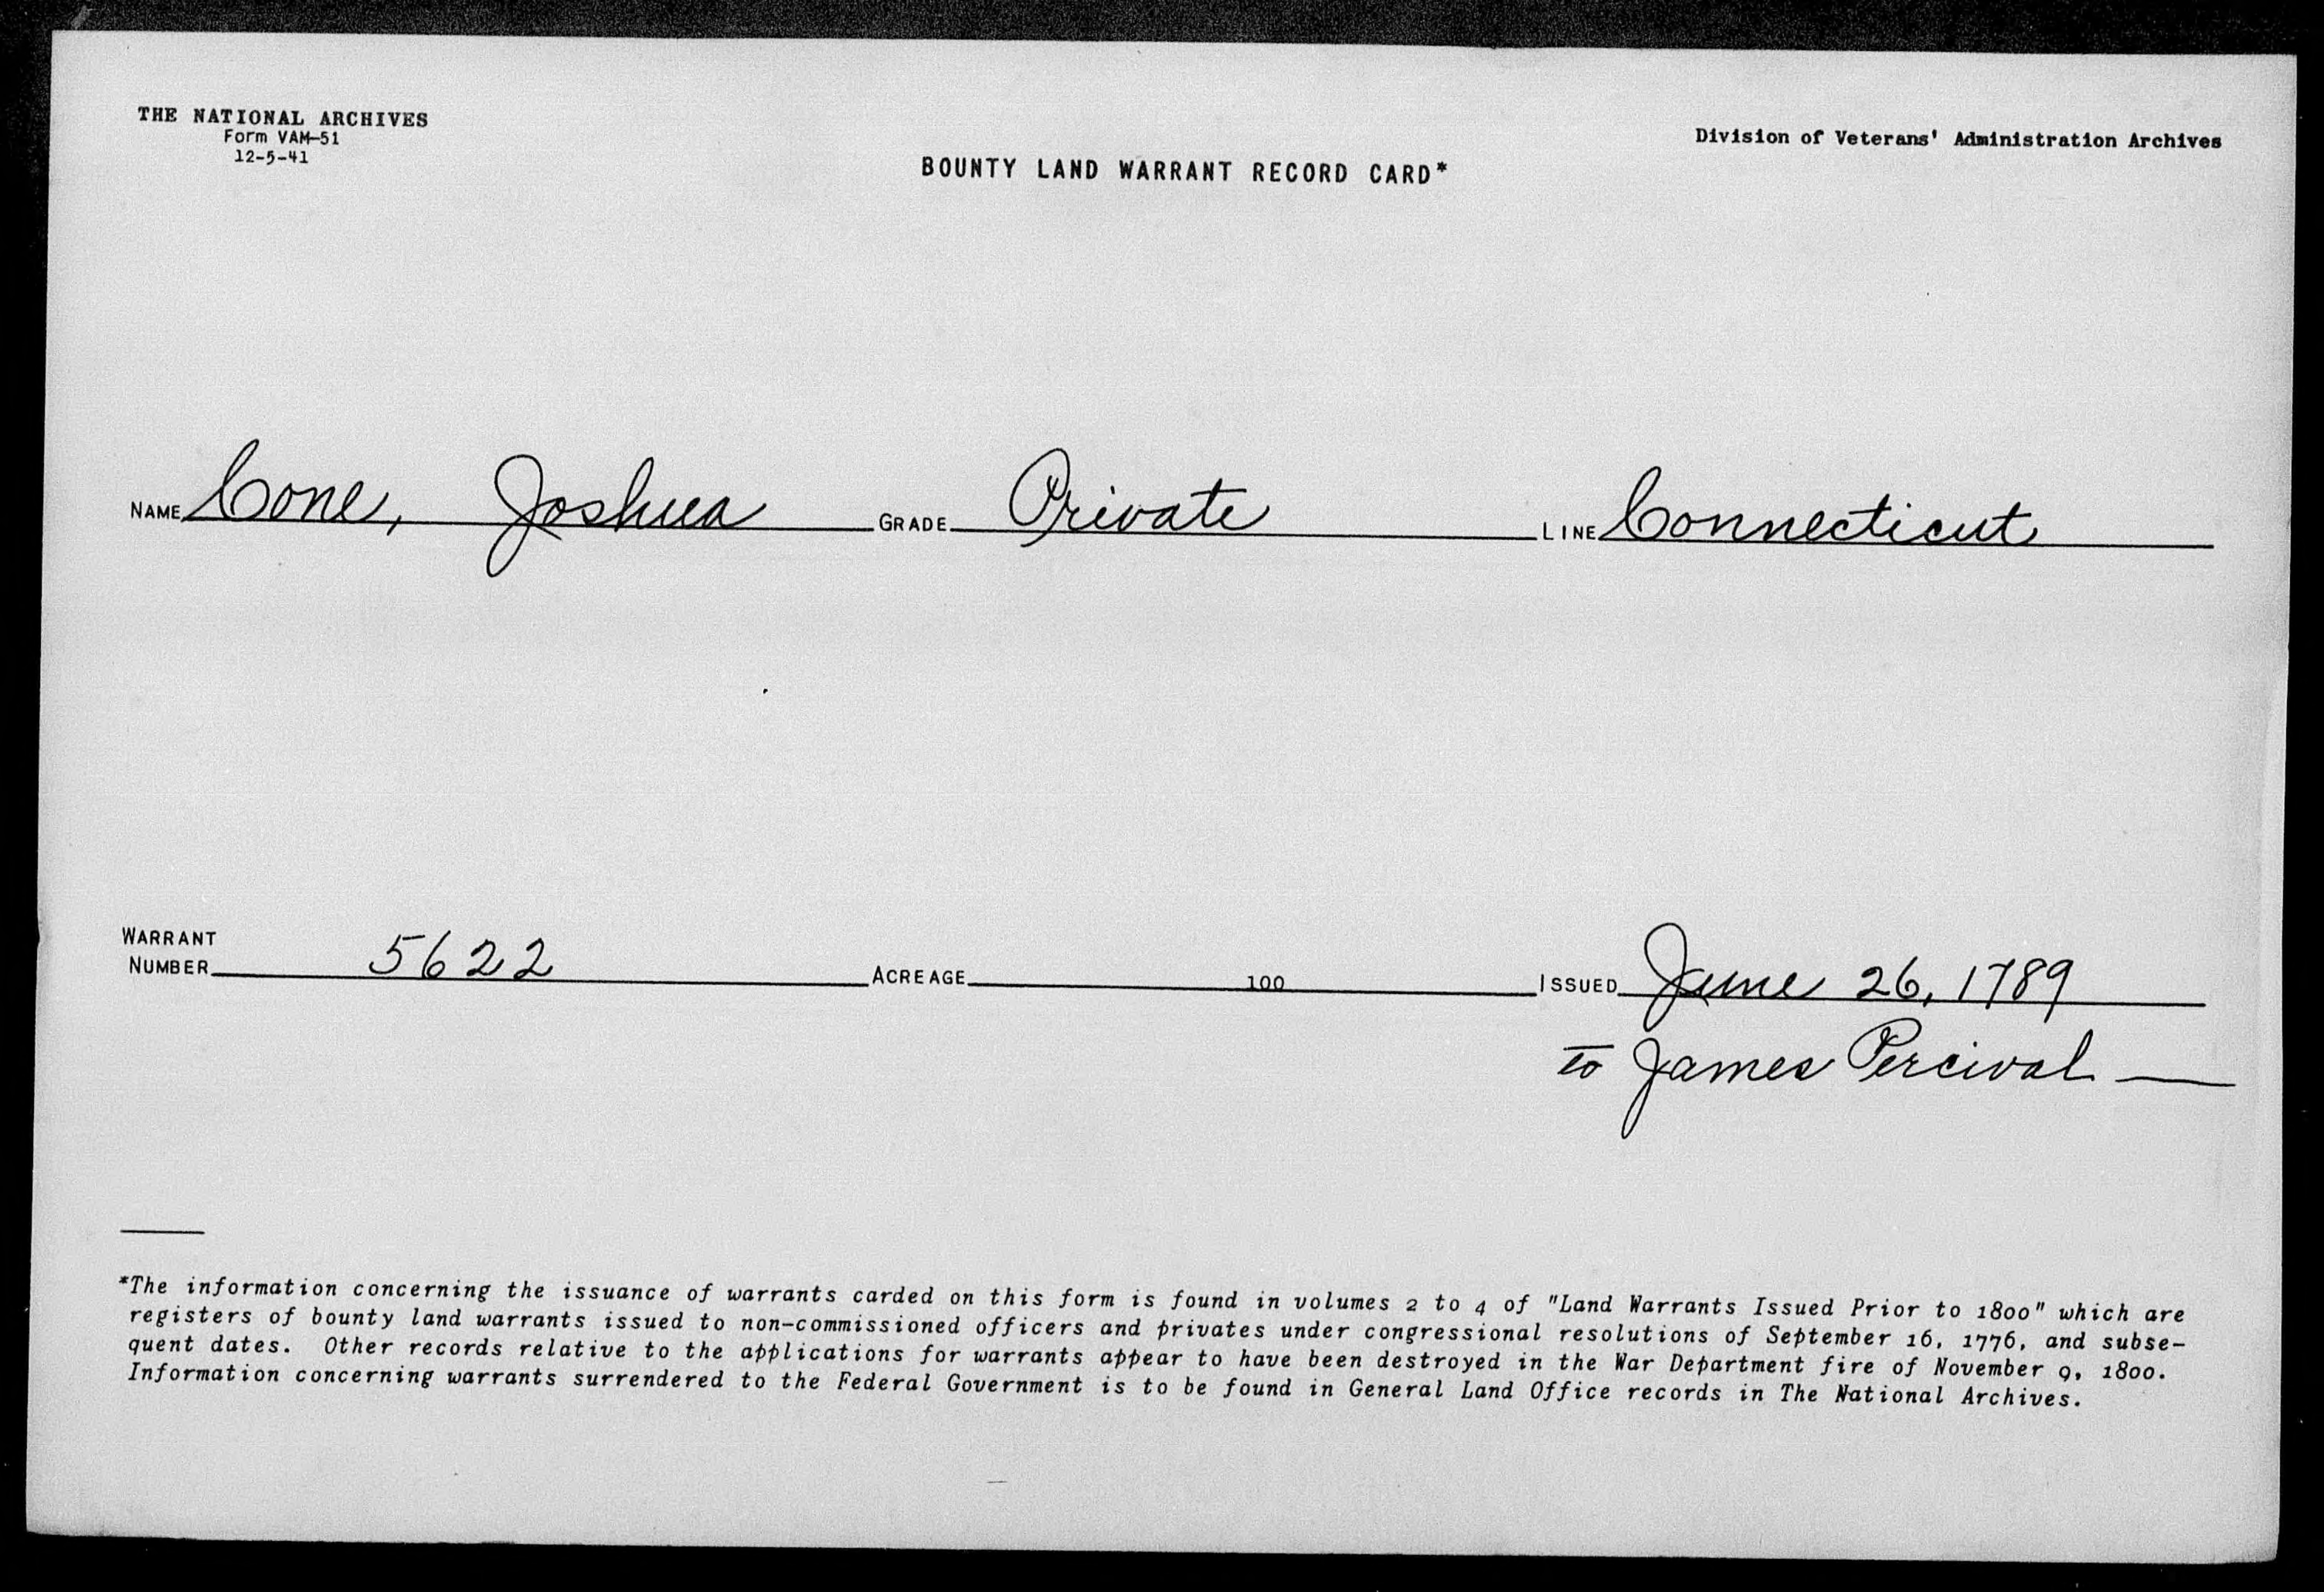NATIONAL ARCHIVES  Division of Veterans' Administration Archives
Form VAM-51
12-5-41  BOUNTY LAND WARRANT RECORD CARD*

NAME Cone, Joshua GRADE Private LINE Connecticut

WARRANT NUMBER 5622  ACREAGE  100  ISSUED June 26, 1789
To James Percival -

*The information concerning the issuance of warrants carded on this form is found in volumes 2 to 4 of "Land Warrants Issued Prior to 1800" which are registers of bounty land warrants issued to non-commissioned officers and privates under congressional resolutions of September 16, 1776, and subsequent dates. Other records relative to the applications for warrants appear to have been destroyed in the War Department fire of November 9, 1800. Information concerning warrants surrendered to the Federal Government is to be found in General Land Office records in The National Archives.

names: Joshua Cone, James Percival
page: 28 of 28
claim: survivor's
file: S. 12569, Joseph Cone, Conn Continental